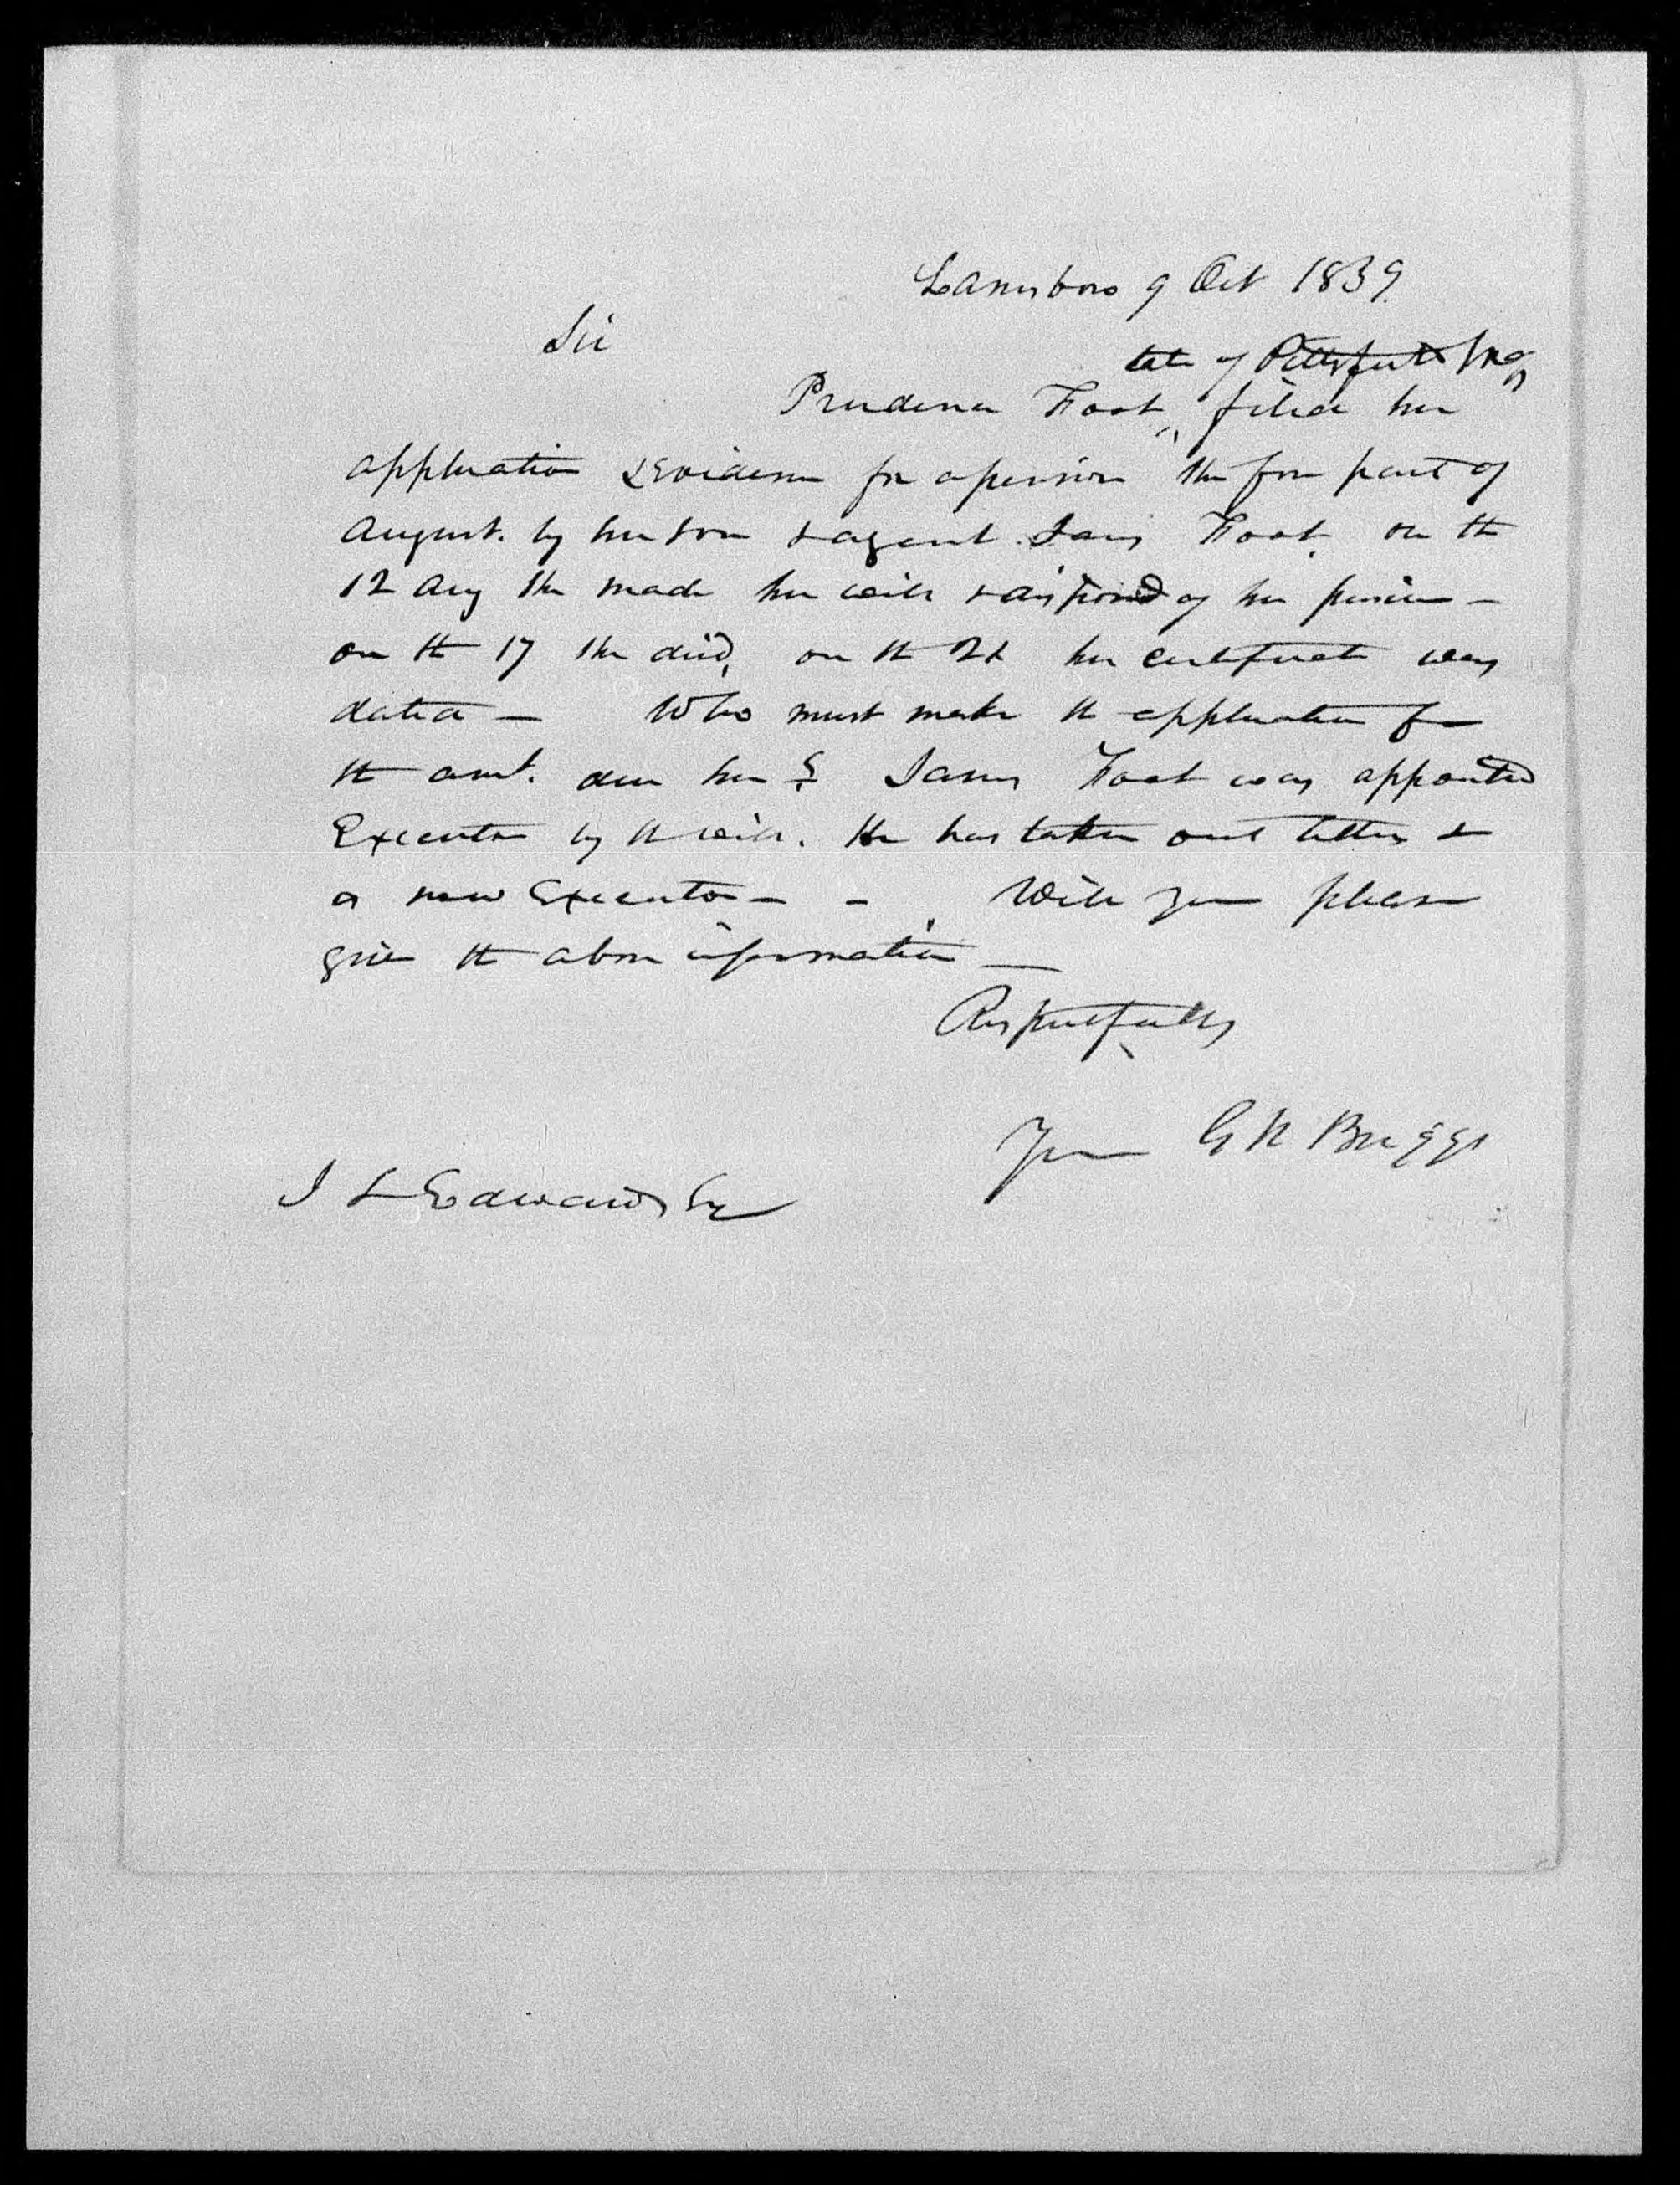Lannboro (?) 9 Oct 1839
Sir
Prudence Foot, late of Pittsfield N Y application & evidence for a pension. the first part of August by her son & agent James Foot on the 12 Aug she made her will (illegible word) her pension--on the 17 she died, on the 21 her certificate was dated-- Who must make the application for the amt. due her? James Foot was appointed Executor by (illegible word)  He has taken out letters & a new executor-- will you please give the above information--
Respectfully
Yours  G N Briggs

J L Edwards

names: J L Edwards; James Foot; G N Briggs; Prudence Foot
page: 37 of 60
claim: widow's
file: W. 14,036, for James Knowles, Connecticut